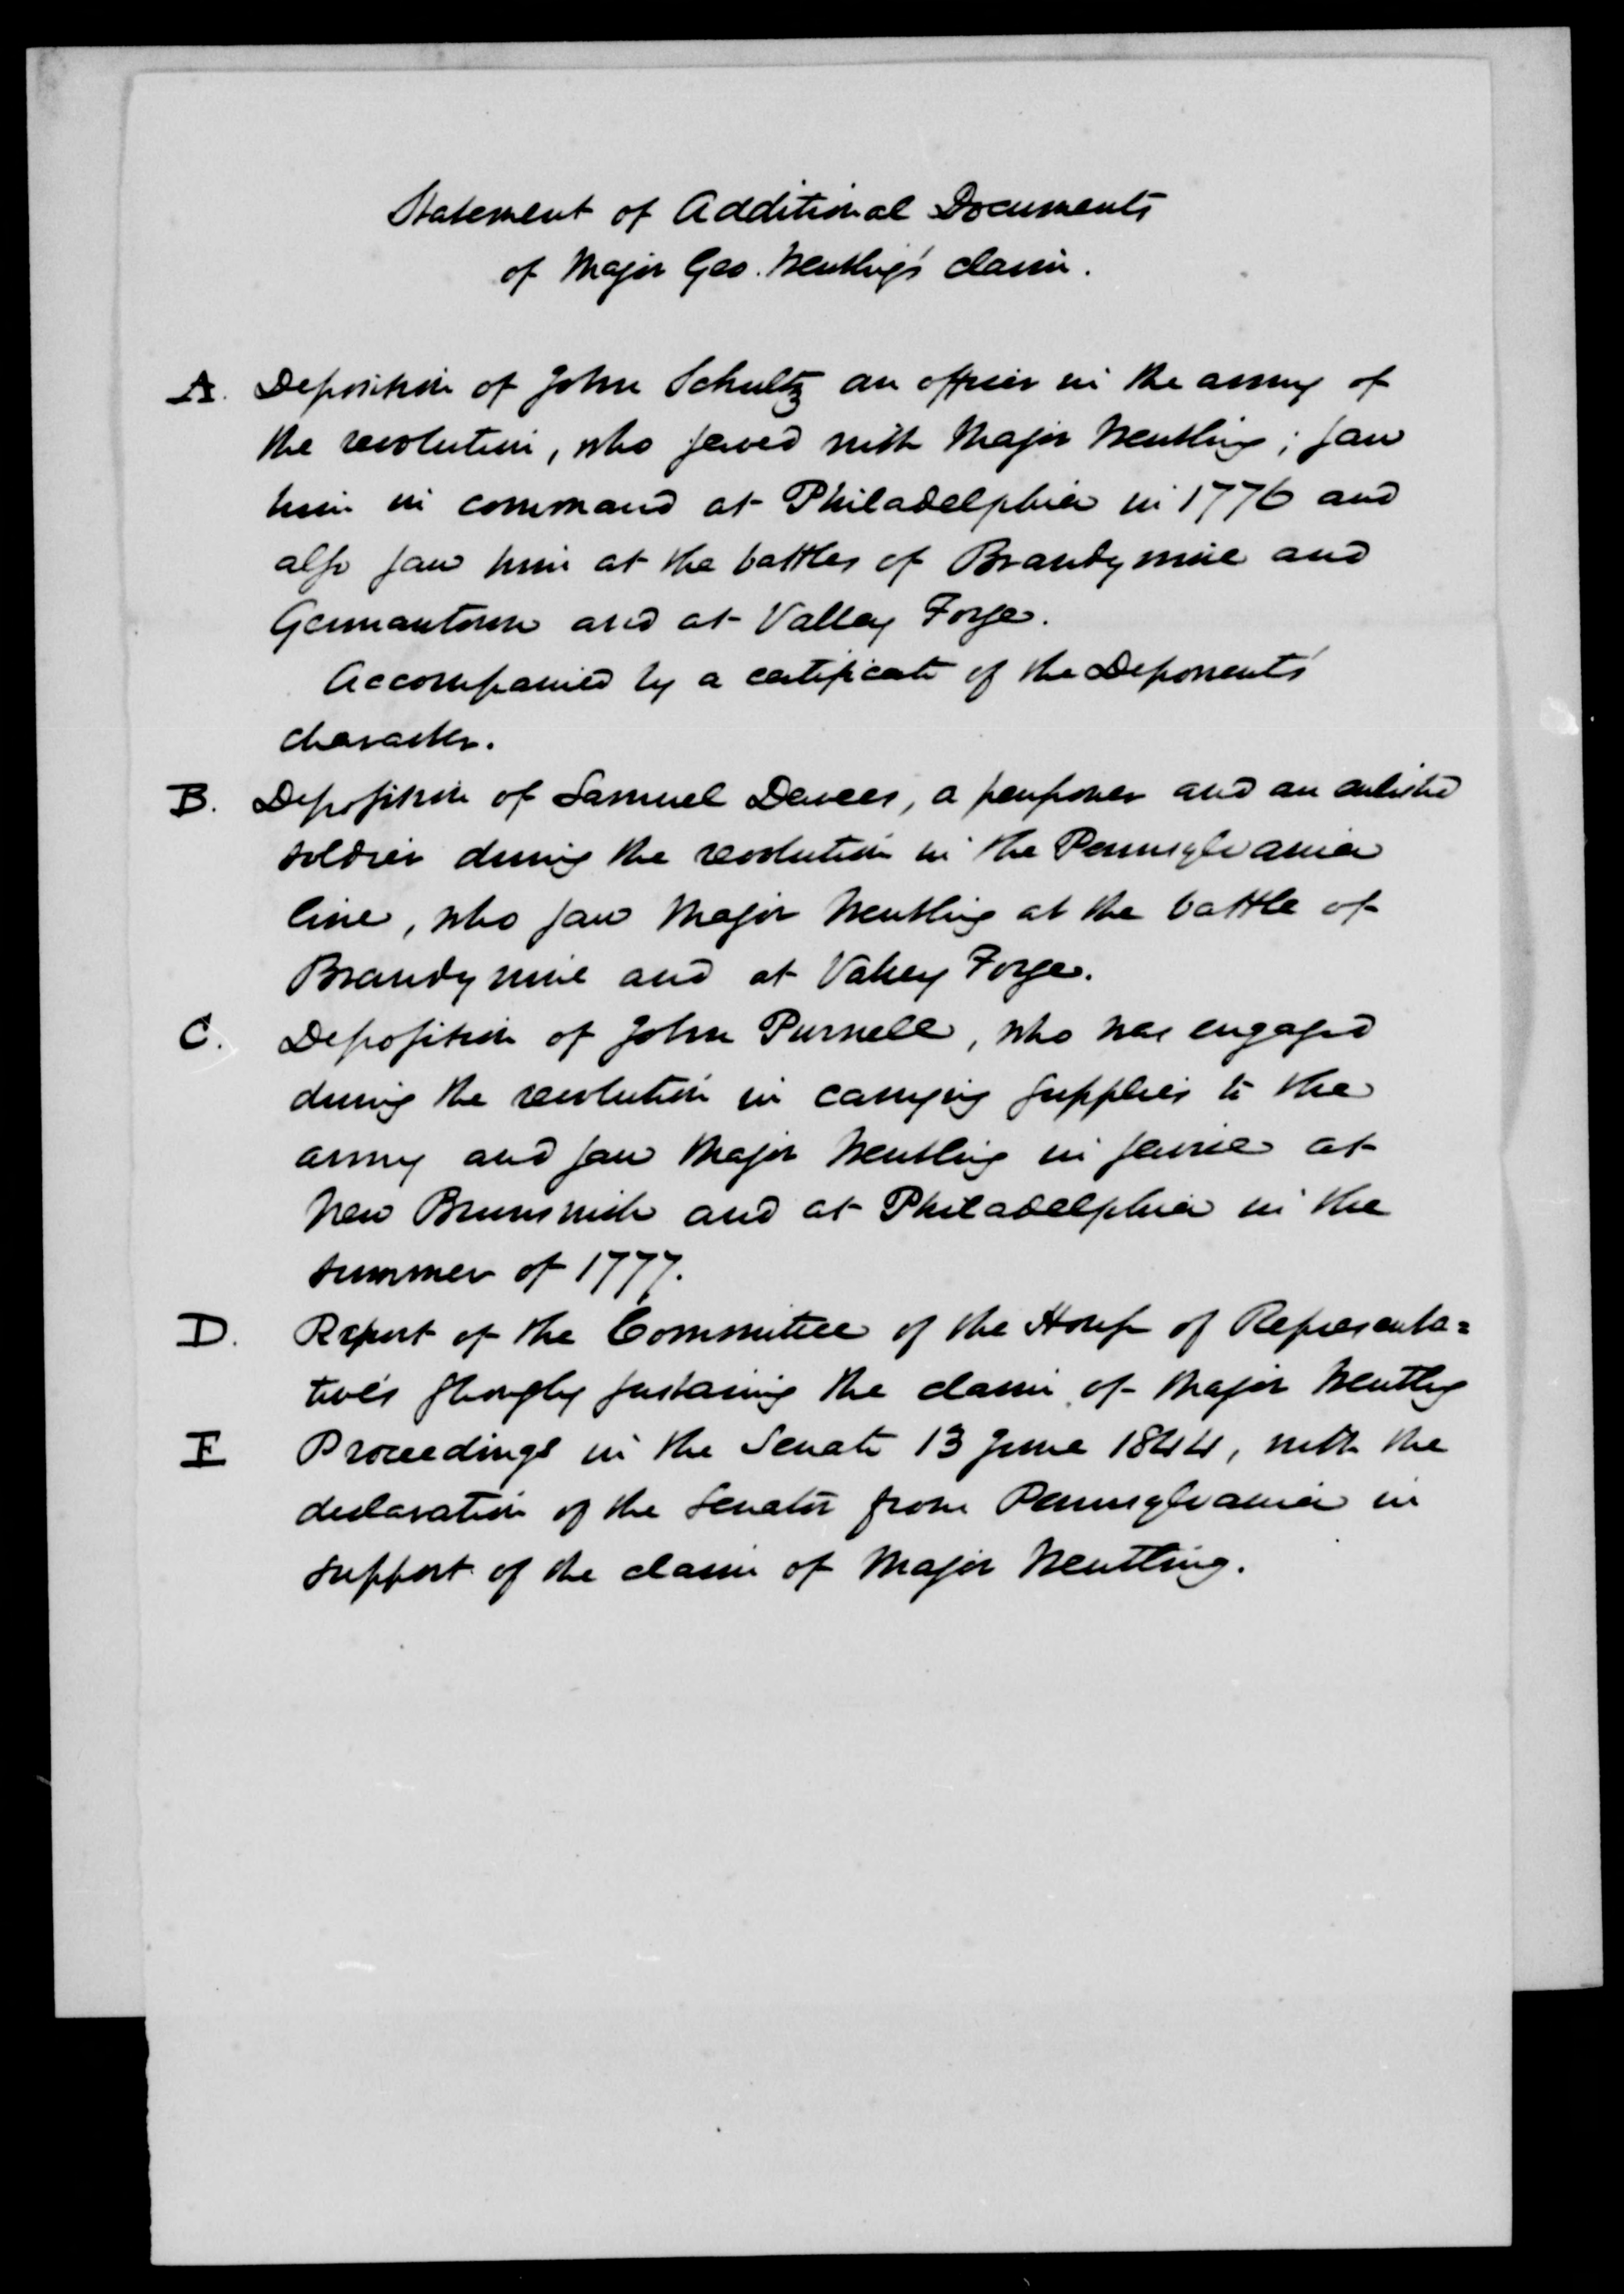Statement of Additional Documents 
of Major Geo. Wentley's Claim.

A. Deposition of John Schultz an officer in the assay of the revolution, who served with Major Wentley's; saw him in command at Philadelphia in 1776 and also saw him at he battles of Brandywine and Germantown and at Valley Forge.
Accompanied by a certificate of the Deponent's character.
B.  Deposition of Samuel Dewees, a pensioner and an enlisted soldier during the revolution in the Pennsylvania line, who saw Major Wentley at the battle of Brandywine and at Valley Forge.
C.  Deposition of John Ournell, who was engaged during the revolution in carrying supplies to the army and saw Major Wentley in service at New Brunswick and at Philadelphia in the summer of 1777.
D.  Report of the Committee of the House of Representatives simply sustaining the claim of Major Wentley.
E.  Proceedings in the Senate 13 June 1844, with the declaration of the Senator from Pennsylvania in support of the claim of Major Wentley,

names: John Purnell, Geo Wentling, Samuel Dewees, John Schultz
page: 35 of 68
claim: survivor's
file: S. 6,358, George Wentling, Penn.